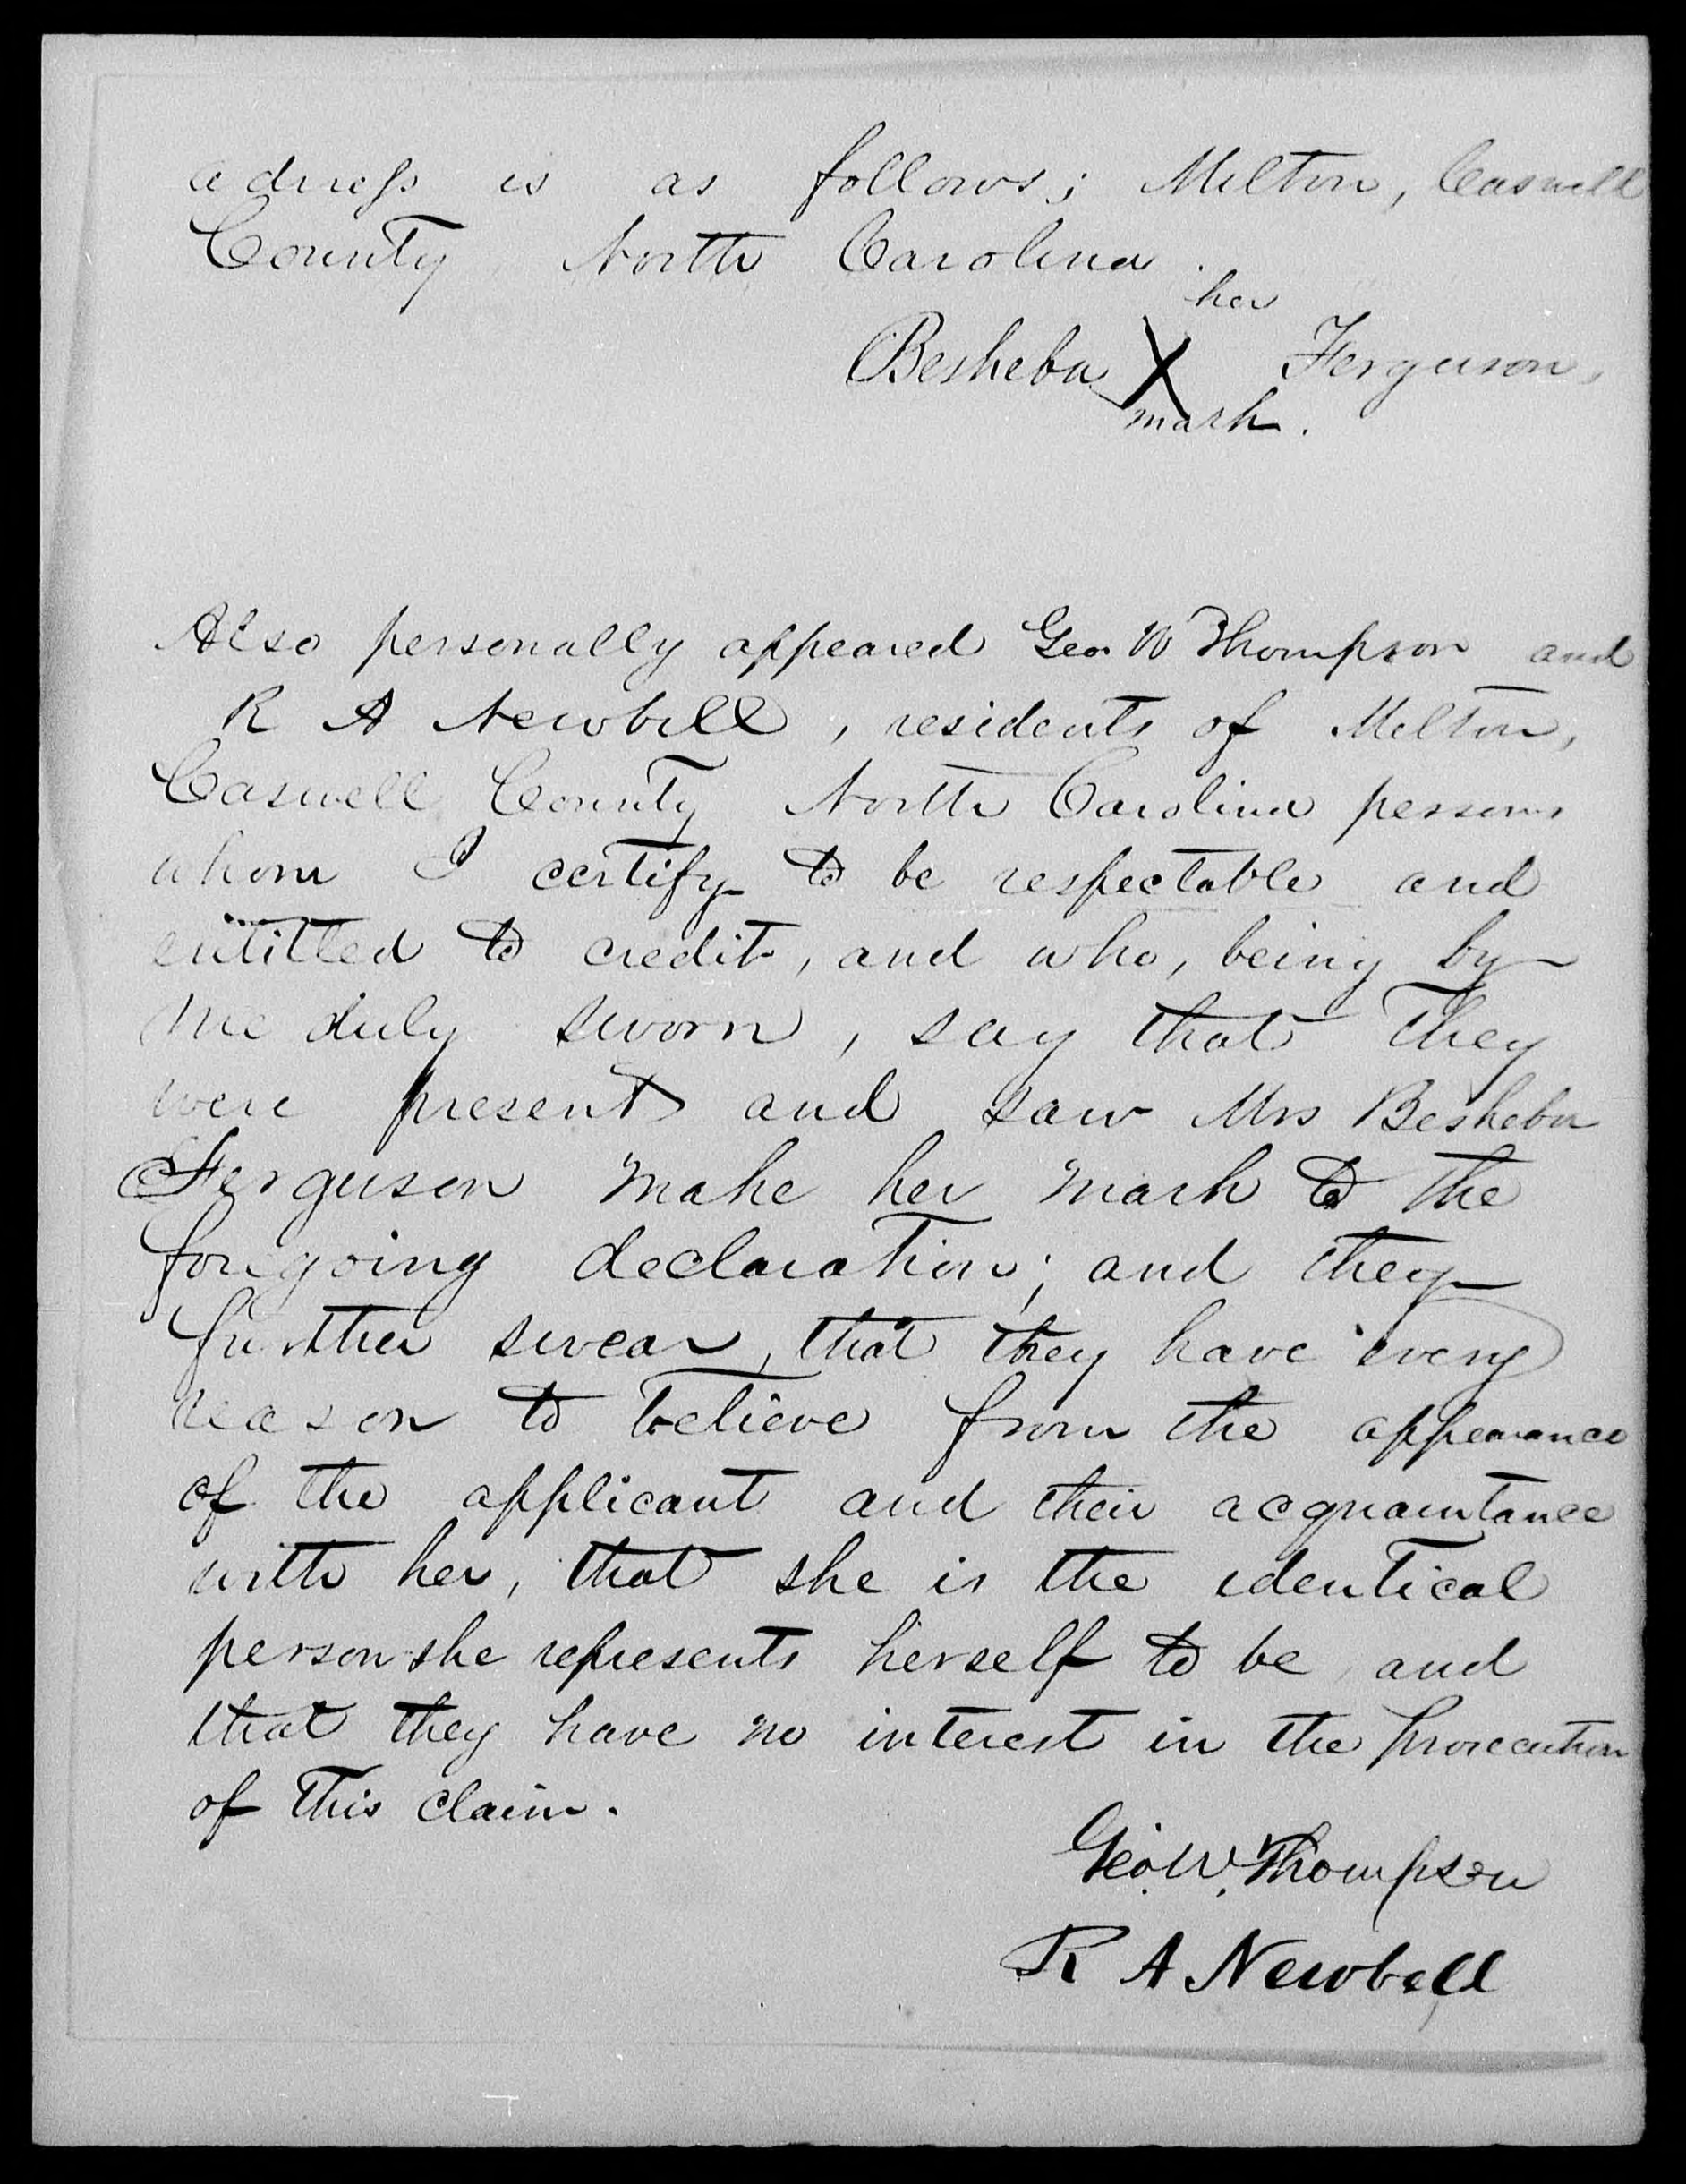address is follows; Milton, Caswell
County North
 Carolina
               her
Besheba    X      Ferguson,
               mark
Also personally appeared Geo. W Thompson and R A Newbill, residents of Milton,
Caswell County North Carolina persons
whom I certify to be respectable and
entitled to credit, and who, being by me duly sworn, say that they were present and saw Mrs Besheba Ferguson make her mark to the
foregoing declaration; and they
further swear, that they have every
reason to believe from the appearance
of the applicant and their acquaintance
with her, that she is the identical
person she represents herself to be and
that they have no interest in the prosecution
of this claim.
Geo W Thompson
A Newbell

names: R A Newbell, Besheba Ferguson, R A Newbell, Geo W Thompson, Besheba Ferguson, Geo W Thompson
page: 46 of 81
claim: widow's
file: W. 7262, Robert Ferguson, Va.